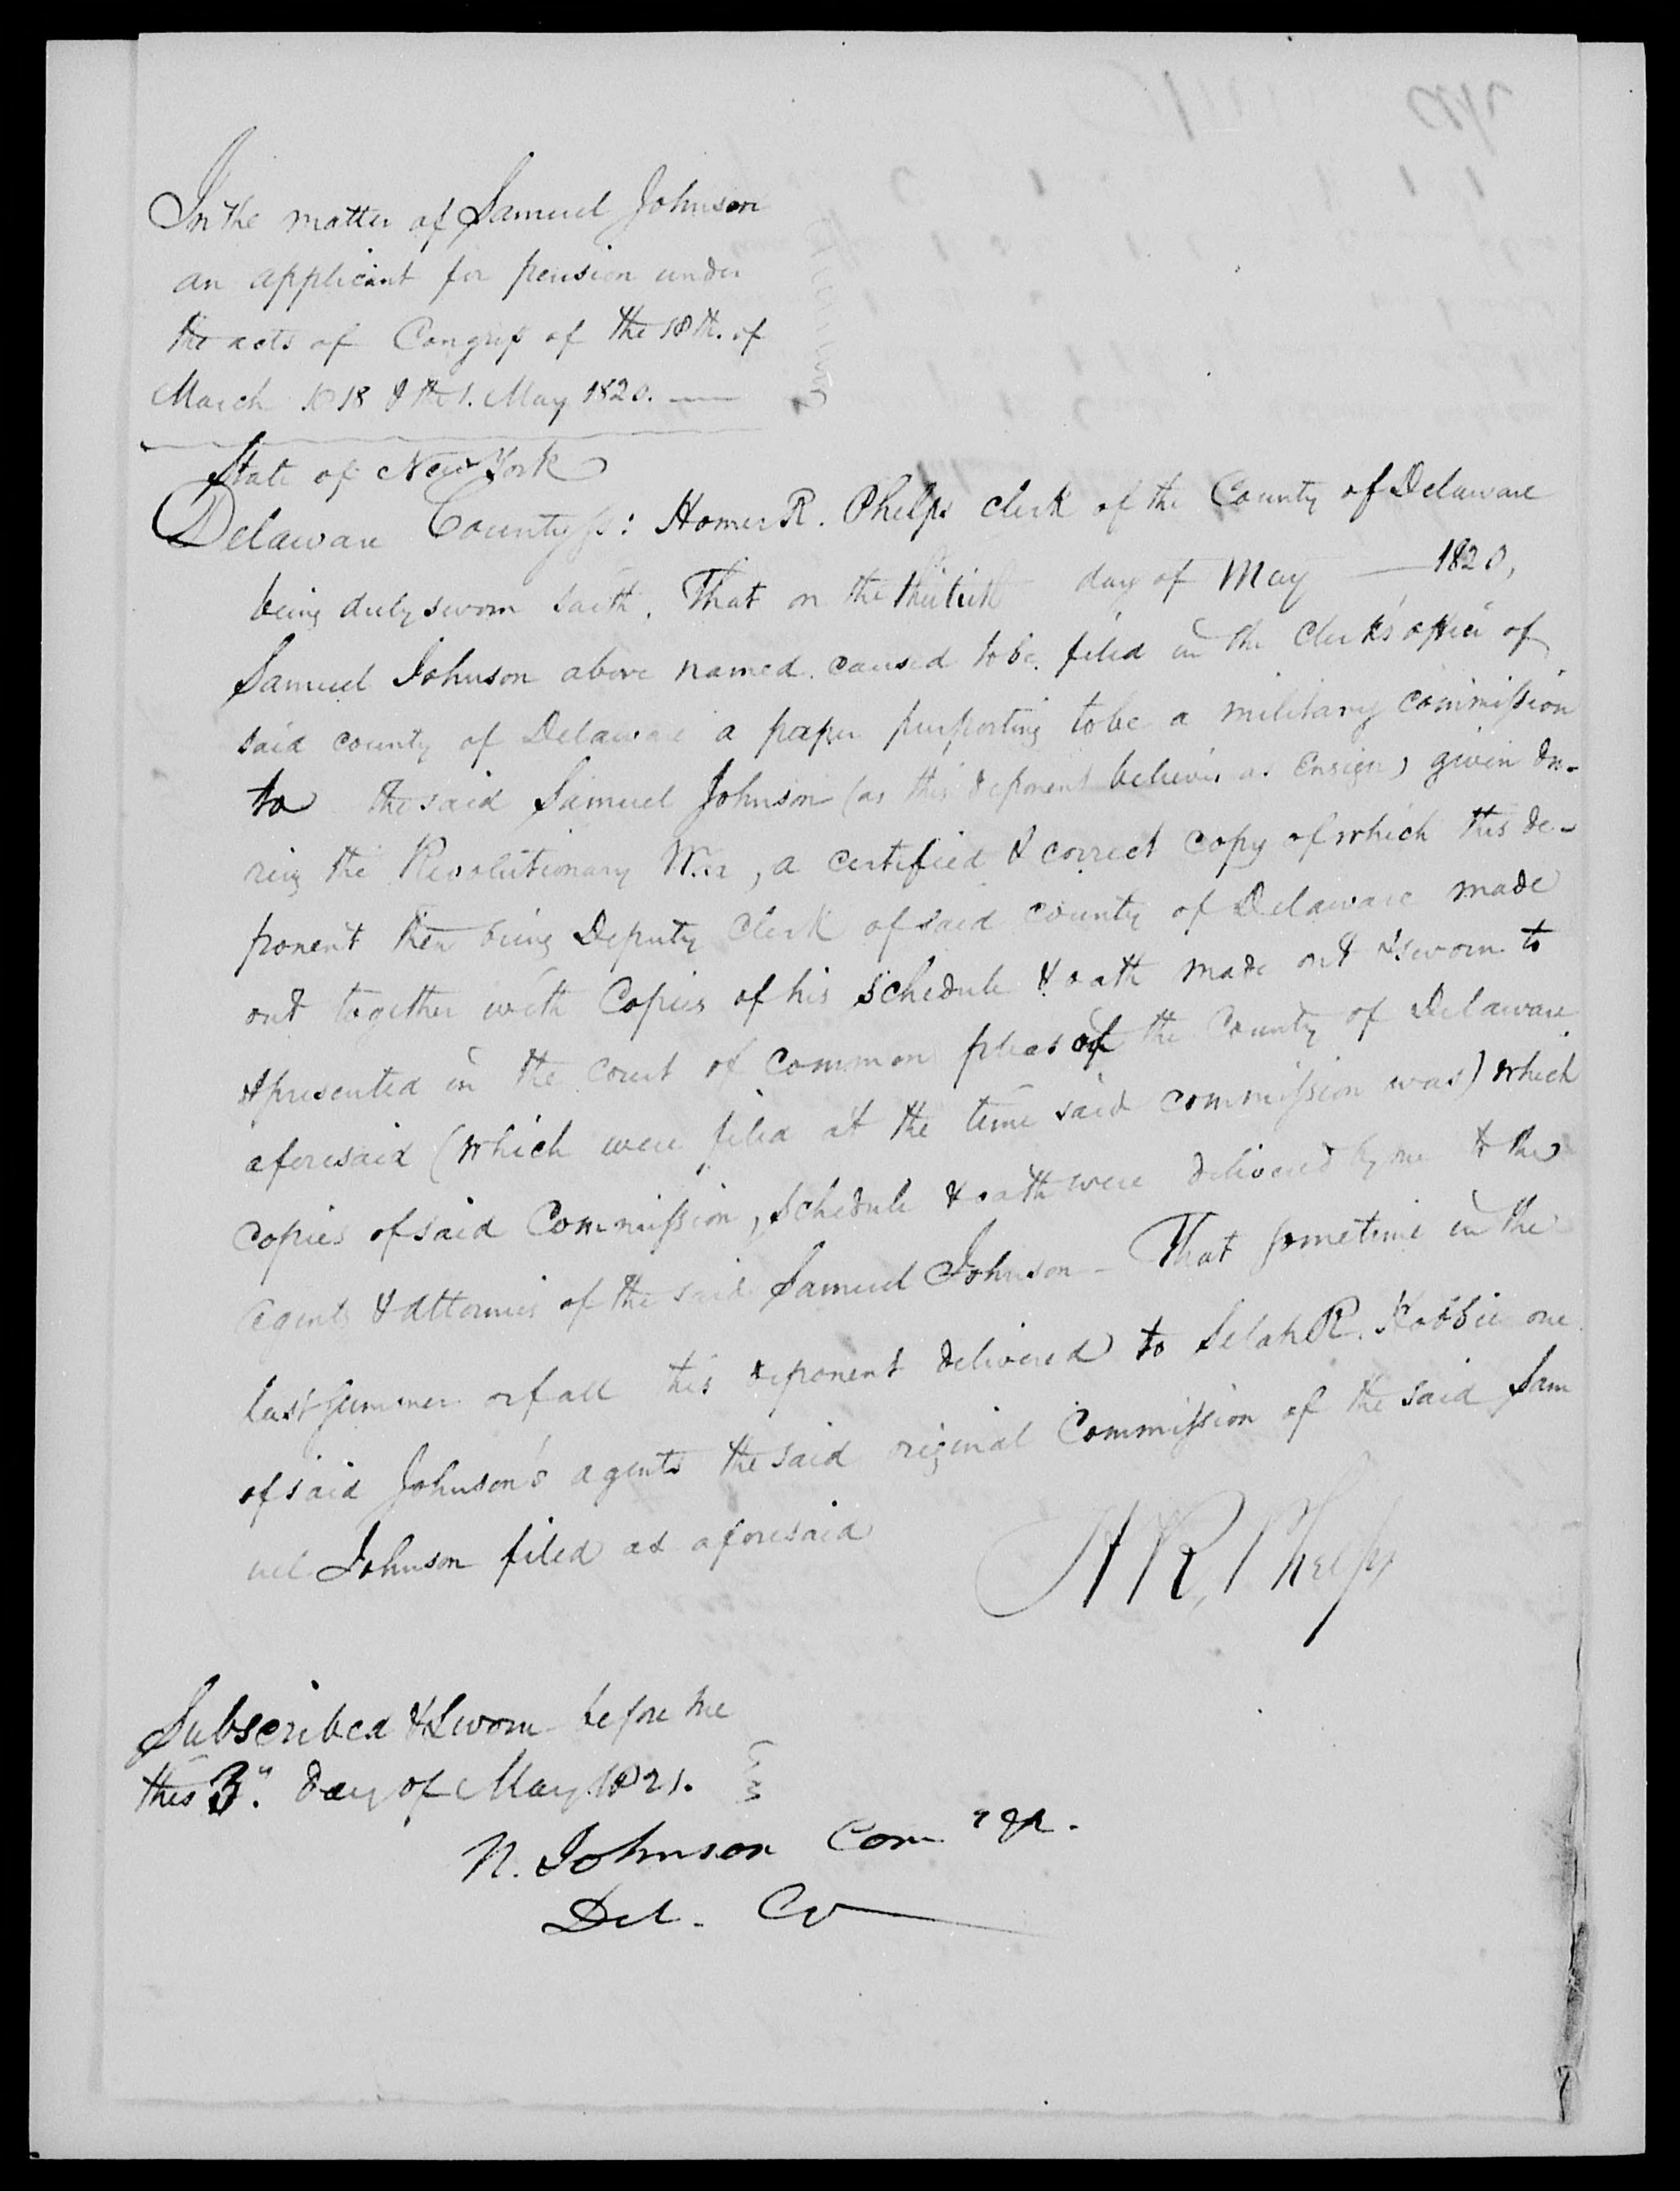In the matter of Samuel Johnson an applicant for pension under act of Congress of the 18th of March 1818 & 1 May 1820. 
State of New York Delaware County ss: 
Homer R. Phelps Clerk of the County of Delaware being duly sworn saith that on the thirtieth  day of May 1820 1 Samuel Johnson above named caused to be filed in the Clerks office of said County of Delaware a paper purporting to be a military commission to the said Samuel Johnson as this deponent believes as Ensign, given in the Revolutionary War, a certified & correct copy of which this deponent then being Deputy Clerk of said County of Delaware made out together with Copies of his schedule & oath made out & sworn to presented in the Court of Common pleas of the County of Delaware aforesaid (which were filed in the time said commission was) which copies of said Commission, schedule & oath were delivered by the Agent & attornies of the said Samuel Johnson that sometime in last summer or fall this deponent delivered to Selah R. Hobbie one of said Johnson's agents the said original commission of the said Johnson filed as aforesaid.  
H. R. Phelps  
Subscribed & Sworn before me this 3 day of May 1821. 
N. Johnson Com &c Del Co.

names: Samuel Johnson; Homer R Phelps; Selah R Hobbie; N Johnson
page: 31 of 43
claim: rejected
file: R. 5655, for Samuel Johnson, Connecticut